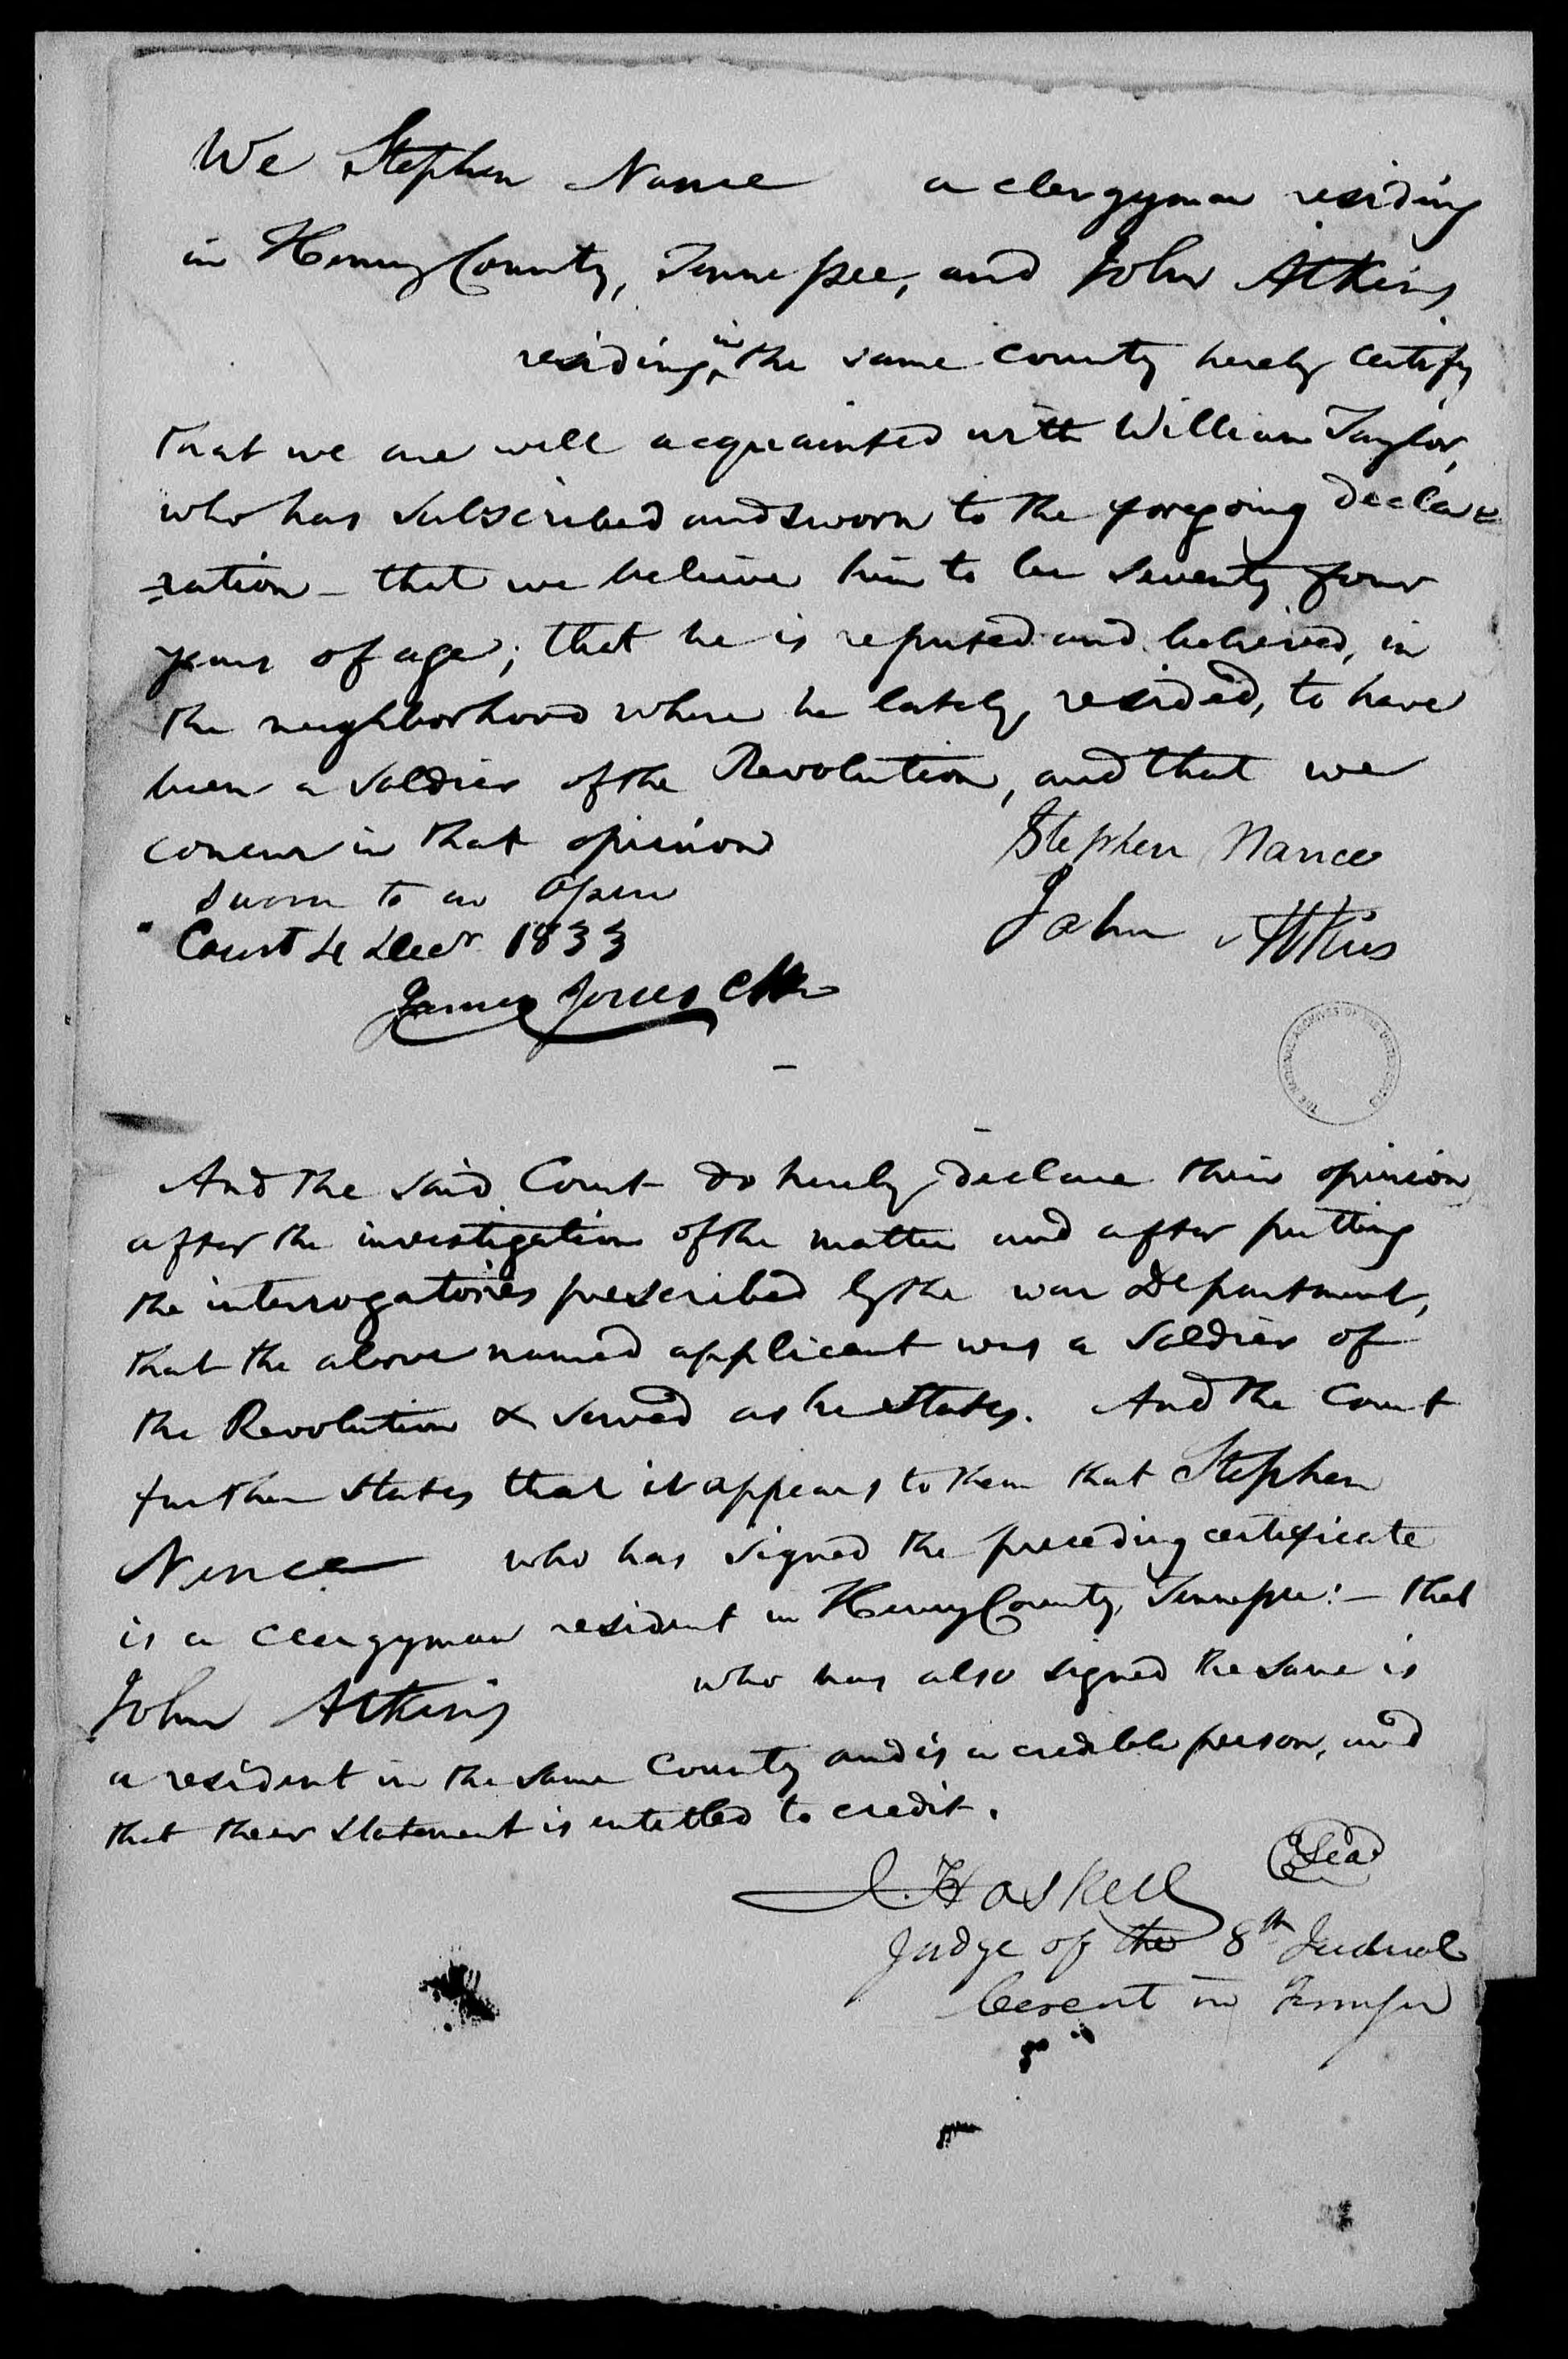We, Stephen Nance, a clergyman residing in the County of Henry, State of Tennessee, and John Atkins residing in the same county hereby certify, that we are well acquainted with William Taylor, who has subscribed and sworn to the foregoing declaration that we believe him to be seventy four years of age, that he is reputed and believed, in the neighborhood where he lately resided to have been a soldier of the Revolution, and that we concur in that opinion
Stephen Nance
John Atkins
Sworn to in open court 4 Decr. 1833
James Jones Clk

[stamp] THE NATIONAL ARCHIVES OF THE UNITED STATES

And the said Court do hereby declare their opinion after the investigation of the matter, and after putting the interrogatories prescribed by the War Department that the above named applicant was a soldier of the Revolution & served as he states. And the Court further states that it appears to them that Stephen Nance who signed the preceding certificate, is a Clergyman resident in Henry County, Tennessee, that John Atkins who has also signed the same is a resident in the same County, and is a credible person, that their statement is entitled to credit.
J. Haskell {seal}
Judge of the 8th Judicial Court in Tennessee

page: 20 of 33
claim: rejected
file: R 10439, for William Taylor, North Carolina